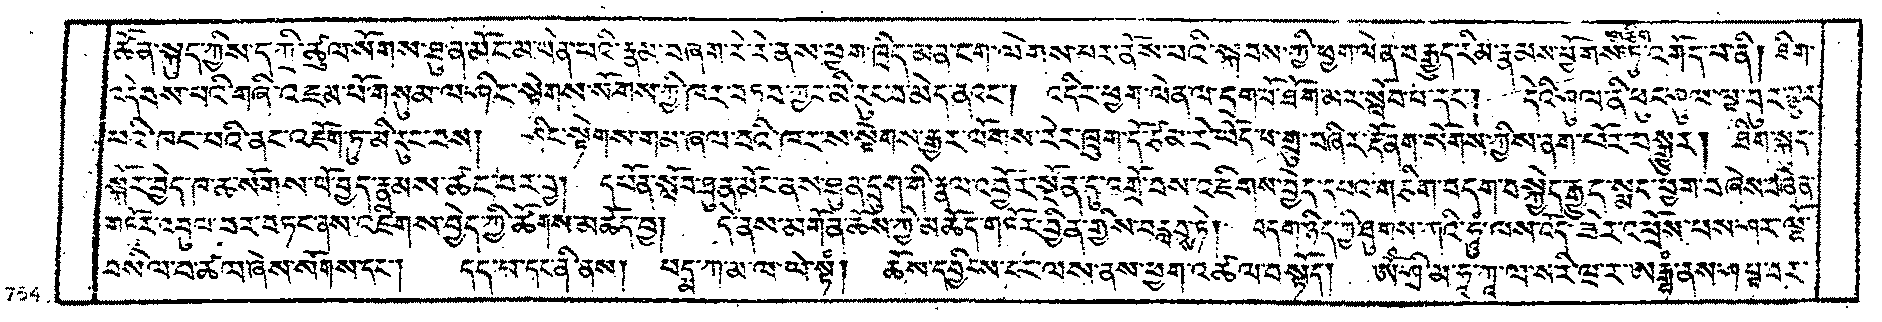ཚོན་སྐུད་ཀྱིས་དཀྲི་ཚུལ་སོགས་ཐུན་མོང་མ་ཡིན་པའི་རྣམ་བཞག་རེ་རེ་ནས་ཕྱག་ཁྲིད་མན་ངག་ལེགས་པར་ནོས་པའི་སྐབས་ཀྱི་ཕྱག་ལེན་བརྒྱུད་རིམ་རྣམས་ཕྱོགས་གཅིག་ཏུ་འགོད་པ་ནི། ཐིག་
འདེབས་པའི་གཞི་འཇམ་པོ་གསུམ་ལ་ཤིང་སྟེགས་སོགས་ཀྱི་ཁར་བཏབ་ཀྱང་མི་རུང་བ་མེད་ནའང་། འདིར་ཕྱག་ལེན་ལ་དྲག་པོ་ཐོག་མར་སློབ་པ་དང་། དེའི་ཤུལ་ནི་ཕུང་ཤུལ་ལྟ་བུར་གྱུར་
པའི་ཁང་པའི་ནང་འཇོག་ཏུ་མི་རུང་བས། ཤིང་སྟེགས་གམ་ཞལ་བའི་ཁར་ས་སྟེགས་རྒྱར་ལོགས་རེར་ཁྲུག་དོ་ཙམ་རེ་ཡོད་པ་གྲུབ་བཞིར་རྡོ་ནག་སོགས་ཀྱིས་ནག་པོར་བསྒྱུར། ཐིག་སྐུད་
སྐོར་བྱེད་ཁ་ཆ་སོགས་ཡོ་བྱད་རྣམས་ཚང་བར་བྱ། དཔོན་སློབ་ཐུན་མོང་ནས་ཐུན་དྲུག་གི་རྣལ་འབྱོར་སྔོན་དུ་འགྲོ་བས་འཇིགས་བྱེད་དཔའ་གཅིག་བདག་བསྐྱེད་རྒྱུད་སྨད་ཕྱག་བཞེས་བཞིན་
གཏོར་འབུལ་བར་བཏང་ནས་འཇིགས་བྱེད་ཀྱི་ཚོགས་མཆོད་བྱ། དེ་ནས་མགོན་ཆོས་ཀྱི་མཆོད་གཏོར་བྱིན་གྱིས་བརླབས་ཏེ། བདག་ཉིད་ཀྱི་ཐུགས་ཀའི་ཧཱུཾ་ལས་འོད་ཟེར་འཕྲོས་པས་ཤར་ལྷོ་
བསིལ་བ་ཚལ་ཞེས་སོགས་དང་། དད་པ་དང་ནི་ནས། པདམ་ཀ་མ་ལ་ཡེ་སྟཾ། ཆོས་དབྱིངས་ངང་ལས་ནས་ཕྱག་འཚལ་བསྟོད། ཨོཾ་ཤྲི་མ་ཧཱ་ཀཱ་ལ་ས་རི་ཝ་ར་ཨརྒྷཾ་ནས་ཤཔྟ་བར་